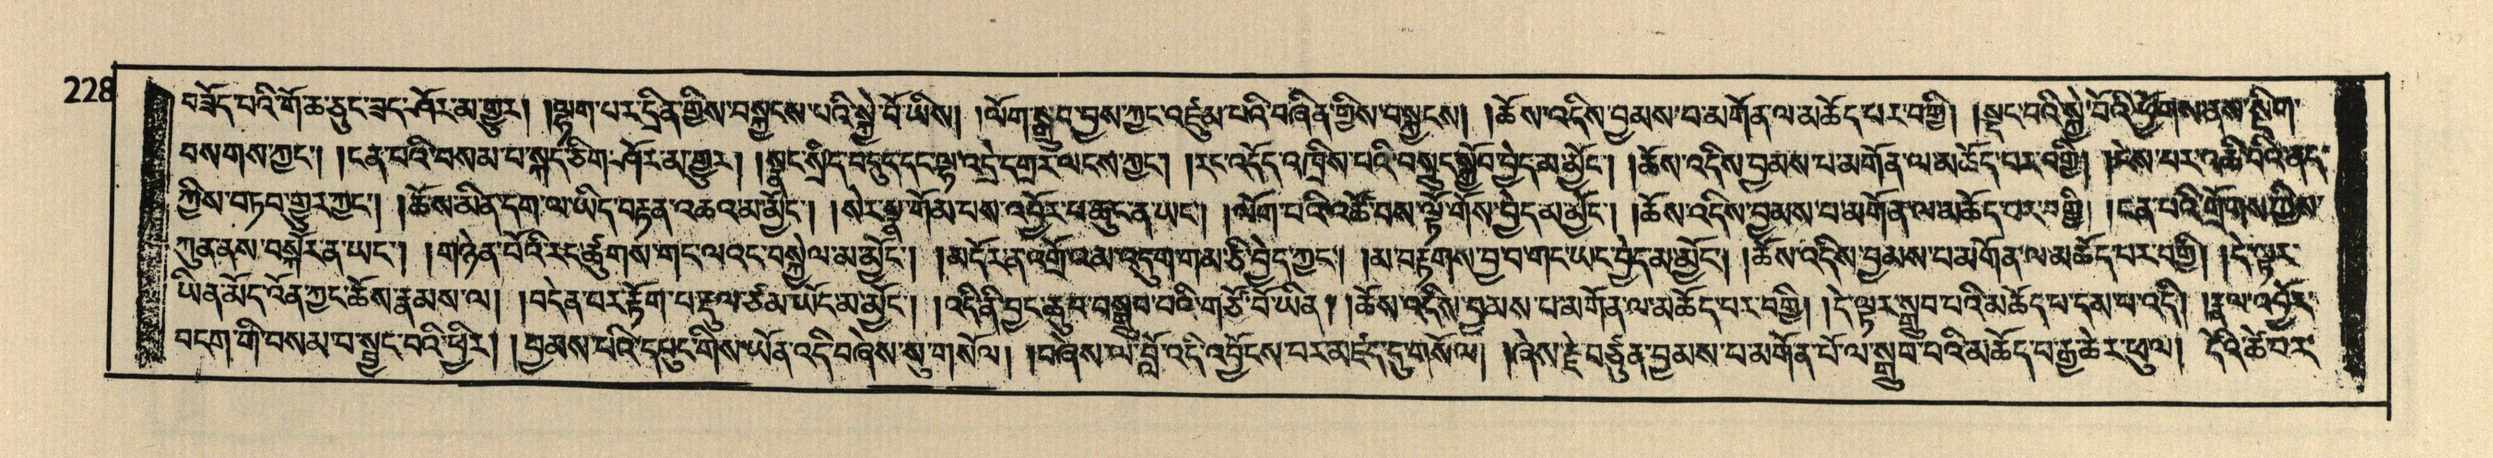བཟོད་པའི་གོ་ཆ་ཅུང་ཟད་ཤོར་མ་གྱུར། །ལྷག་པར་དྲིན་གྱིས་བསྐྱངས་པའི་སྐྱེ་བོ་ཡིས། །ལོག་སྒྲུབ་བྱས་ཀྱང་འཛུམ་པའི་བཞིན་གྱིས་བསྐྱངས། །ཆོས་འདིས་བྱམས་བ་མགོན་ལ་མཆོད་པར་བགྱི། །སྡང་བའི་སྐྱེ་བོའི་ཕྱོགས་ནས་སྡིག་
བསགས་ཀྱང་། །ངན་པའི་བསམ་པ་སྐད་ཅིག་ཤོར་མ་གྱུར། །སྣང་སྲིད་བདུད་དང་ལྷ་འདྲེ་དགྲར་ལངས་ཀྱང་། །རང་འདོད་འཁྲིས་པའི་བསྲུང་སྐྱོབ་བྱེད་མ་མྱོང་། །ཆོས་འདིས་བྱམས་པ་མགོན་ལ་མཆོད་པར་བགྱི། །ངེས་པར་འཆི་བའི་ནད་
ཀྱིས་བཏབ་གྱུར་ཀྱང་། །ཆོས་མིན་དག་ལ་ཡིད་བརྟན་འཆའ་མ་མྱོང་། །སེར་སྣ་གོམ་པས་འབྱོར་པ་ཆུང་ན་ཡང་། །ལོག་པའི་འཚོ་བས་ལྟོ་གོས་བྱེད་མ་མྱོང་། །ཆོས་འདིས་བྱམས་པ་མགོན་ལ་མཆོད་བར་བགྱི། །ངན་པའི་གྲོགས་ཀྱིས་
ཀུན་ནས་བསྐོར་ན་ཡང་། །གཉེན་པོའི་རང་ཚུགས་གང་ལའང་བསྐྱེལ་མ་མྱོང་། །མདོར་ན་འགྲོའམ་འདུག་གམ་ཅི་བྱེད་ཀྱང་། །མ་བརྟགས་བྱ་བ་གང་ཡང་བྱེད་མ་མྱོང་། །ཆོས་འདིས་བྱམས་པ་མགོན་ལ་མཆོད་པར་བགྱི། །དེ་ལྟར་
ཡིན་མོད་འོན་ཀྱང་ཆོས་རྣམས་ལ། །བདེན་པར་རྟོག་པ་རྡུལ་ཙམ་ཡོང་མ་མྱོང་། །འདི་ནི་བྱང་ཆུབ་བསྒྲུབ་པའི་གཙོ་བོ་ཡིན། །ཆོས་འདིས་བྱམས་པ་མགོན་ལ་མཆོད་པར་བགྱི། །དེ་ལྟར་སྒྲུབ་པའི་མཆོད་པ་དམ་པ་འདི། །རྣལ་འབྱོར་
བདག་གི་བསམ་པ་སྦྱང་བའི་ཕྱིར། །བྱམས་པའི་དཔུང་གིས་ཡོན་འདི་བཞེས་སུ་གསོལ། །བཞེས་ལ་བློ་འདི་འབྱོངས་བར་མཛད་དུ་གསོལ། །ཞེས་རྗེ་བཙུན་བྱམས་པ་མགོན་པོ་ལ་སྒྲུབ་པའི་མཆོད་པ་རྒྱ་ཆེར་ཕུལ། དེའི་ཚེ་བར་